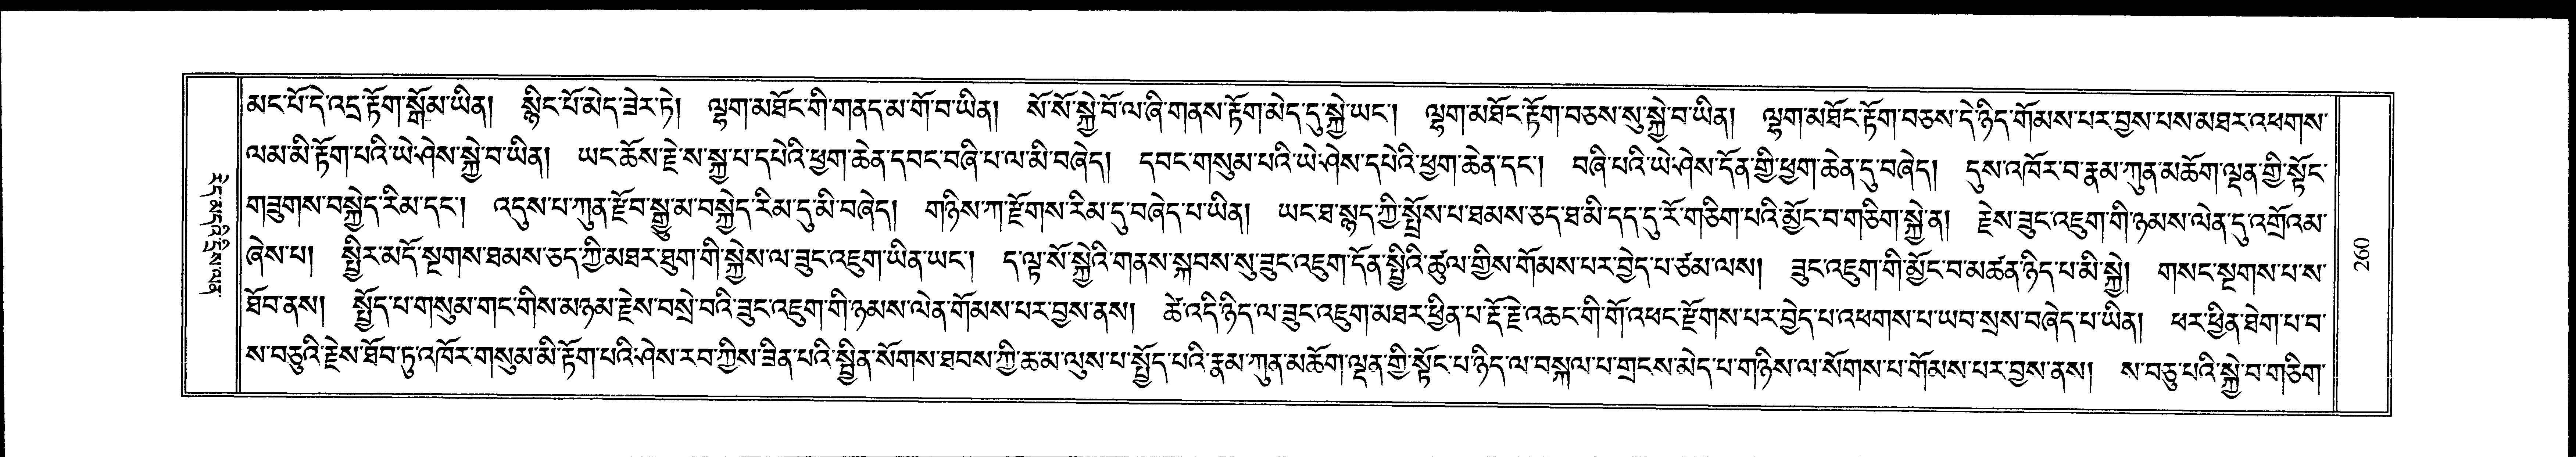མང་པོ་དེ་འདྲ་རྟོག་སྒོམ་ཡིན། སྙིང་པོ་མེད་ཟེར་ཏེ། ལྷག་མཐོང་གི་གནད་མ་གོ་བ་ཡིན། སོ་སོ་སྐྱེ་བོ་ལ་ཞི་གནས་རྟོག་མེད་དུ་སྐྱེ་ཡང་། ལྷག་མཐོང་རྟོག་བཅས་སུ་སྐྱེ་བ་ཡིན། ལྷག་མཐོང་རྟོག་བཅས་དེ་ཉིད་གོམས་པར་བྱས་པས་མཐར་འཕགས་
ལམ་མི་རྟོག་པའི་ཡེ་ཤེས་སྐྱེ་བ་ཡིན། ཡང་ཆོས་རྗེ་ས་སྐྱ་པ་དཔེའི་ཕྱག་ཆེན་དབང་བཞི་པ་ལ་མི་བཞེད། དབང་གསུམ་པའི་ཡེ་ཤེས་དཔེའི་ཕྱག་ཆེན་དང་། བཞི་པའི་ཡེ་ཤེས་དོན་གྱི་ཕྱག་ཆེན་དུ་བཞེད། དུས་འཁོར་བ་རྣམ་ཀུན་མཆོག་ལྡན་གྱི་སྟོང་
གཟུགས་བསྐྱེད་རིམ་དང་། འདུས་པ་ཀུན་རྫོབ་སྒྱུ་མ་བསྐྱེད་རིམ་དུ་མི་བཞེད། གཉིས་ཀ་རྫོགས་རིམ་དུ་བཞེད་པ་ཡིན། ཡང་ཐ་སྙད་ཀྱི་སྤྲོད་པ་ཐམས་ཅད་ཐ་མི་དད་དུ་རོ་གཅིག་པའི་མྱོང་བ་གཅིག་སྐྱེ་ན། རྗེས་ཟུང་འཇུག་གི་ཉམས་ལེན་དུ་འགྲོའམ་
ཞེས་པ། སྤྱིར་མདོ་སྔགས་ཐམས་ཅད་ཀྱི་མཐར་ཐུག་གི་སྐྱེས་ལ་ཟུང་འཇུག་ཡིན་ཡང་། ད་ལྟ་སོ་སྐྱེའི་གནས་སྐབས་སུ་ཟུང་འཇུག་དོན་སྤྱིའི་ཚུལ་གྱིས་གོམས་པར་བྱེད་པ་ཙམ་ལས། ཟུང་འཇུག་གི་མྱོང་བ་མཚན་ཉིད་པ་མི་སྐྱེ། གསང་སྔགས་པ་ས་
ཐོབ་ནས། སྤྱོད་པ་གསུམ་གང་གིས་མཉམ་རྗེས་བསྲེ་བའི་ཟུང་འཇུག་གི་ཉམས་ལེན་གོམས་པར་བྱས་ནས། ཚེ་འདི་ཉིད་ལ་ཟུང་འཇུག་མཐར་ཕྱིན་པ་རྡོ་རྗེ་འཆང་གི་གོ་འཕང་རྫོགས་པར་བྱེད་པ་འཕགས་པ་ཡབ་སྲས་བཞེད་པ་ཡིན། ཕར་ཕྱིན་ཐེག་པ་བ་
ས་བཅུའི་རྗེས་ཐོབ་ཏུ་འཁོར་གསུམ་མི་རྟོག་པའི་ཤེས་རབ་ཀྱིས་ཟིན་པའི་སྦྱིན་སོགས་ཐབས་ཀྱི་ཆ་མ་ལུས་པ་སྤྱོད་པའི་རྣམ་ཀུན་མཆོག་ལྡན་གྱི་སྟོང་པ་ཉིད་ལ་བསྐལ་པ་གྲངས་མེད་པ་གཉིས་ལ་སོགས་པ་གོམས་པར་བྱས་ནས། ས་བཅུ་པའི་སྐྱེ་བ་གཅིག་